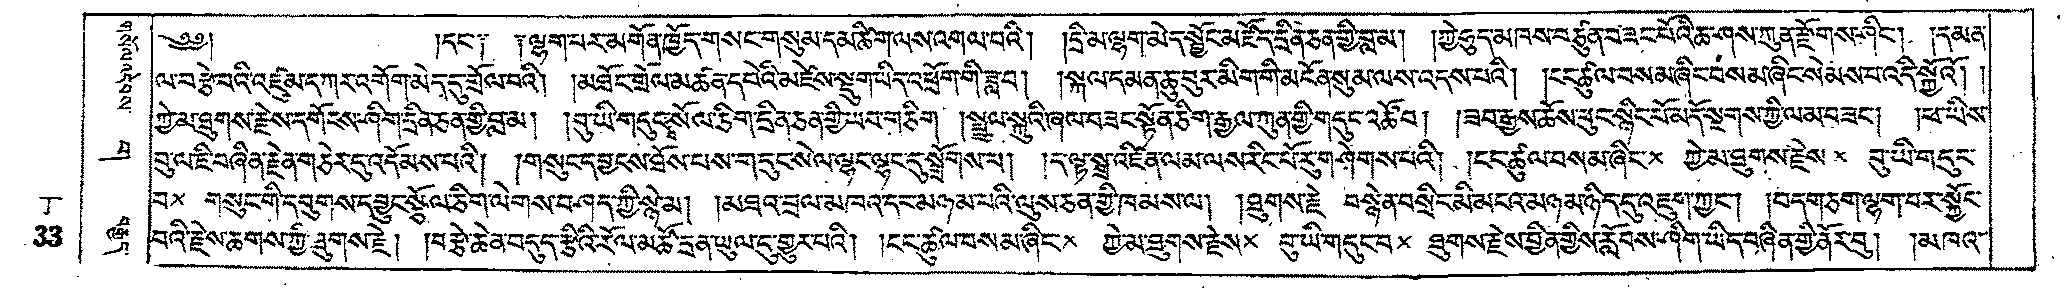༄༅། །དང༑ ༑ལྷག་པར་མགོན་ཁྱོད་གསང་གསུམ་དམ་ཚིག་ལས་འགལ་བའི། །དྲི་མ་ལྷག་མེད་སྦྱོང་མཛོད་དྲིན་ཅན་གྱི་བླ་མ། །ཀྱེ་ཧུད་མཁས་བཙུན་བཟང་པོའི་ཆ་ཤས་ཀུན་རྫོགས་ཤིང་། །དམན་
ལ་བརྩེ་བའི་འཛུམ་དཀར་འགོག་མེད་དུ་གྲོལ་བའི། །མཐོང་གྲོལ་མཚན་དཔེའི་མཛེས་སྡུག་ཡིད་འཕྲོག་གི་ཟླ་བ། །སྐལ་དམན་ཆུ་བུར་མིག་གི་མངོན་སུམ་ལས་འདས་པའི། །ངང་ཚུལ་བསམ་ཞིང་བསམ་ཞིང་སེམས་པ་འདི་སྐྱོའོ། །
ཀྱེ་མ་ཐུགས་རྗེས་དགོངས་ཤིག་དྲིན་ཅན་གྱི་བླ་མ། །བུ་ཡི་གདུང་བ་སོལ་ཅིག་དྲིན་ཅན་གྱི་ཡབ་གཅིག །སྤྲུལ་སྐུའི་ཞལ་བཟང་སྟོན་ཅིག་རྒྱལ་ཀུན་གྱི་གདུང་འཚོ་བ། །ཟབ་རྒྱས་ཆོས་ཕུང་སྙིང་པོ་མདོ་སྔགས་ཀྱི་ལམ་བཟང་། །ཕ་ཡིས་
བུ་ལ་ཇི་བཞིན་རྗེན་གཅེར་དུ་འདོམས་པའི། །གསུང་དབྱངས་ཐོས་པས་གདུང་སེལ་ལྷང་ལྷང་དུ་སྒྲོགས་པ། །ད་ལྟ་སྒྲ་འཛིན་ལམ་ལས་རིང་པོ་རུ་གཤེགས་པའི། །ངང་ཚུལ་བསམ་ཞིང་྾་བུ་ཡི་གདུང་
བ་྾་གསུང་གི་དབུགས་དབྱུང་སྩོལ་ཅིག་ལེགས་བཤད་ཀྱི་སྙེ་མ། །མཐའ་བྲལ་མཁའ་དང་མཉམ་པའི་ལུས་ཅན་གྱི་ཁམས་ལ། །ཐུགས་རྗེ་བསྙེན་བསྲིང་མི་མངའ་མཉམ་ཉིད་དུ་འཇུག་ཀྱང་། །བདག་ཅག་ལྷག་པར་སྐྱོང་
བའི་རྗེས་ཆགས་ཀྱི་ཐུགས་རྗེ། །བརྩེ་ཆེན་བདུད་རྩིའི་རོལ་མཚོ་དྲན་ཡུལ་དུ་གྱུར་པའི། །ངང་ཚུལ་བསམ་ཞིང་྾་ཀྱེ་མ་ཐུགས་རྗེས་྾་བུ་ཡི་གདུང་བ་྾་ཐུགས་རྗེས་བྱིན་གྱིས་རློབས་ཤིག་ཡིད་བཞིན་གྱི་ནོར་བུ། །མཁའ་་་